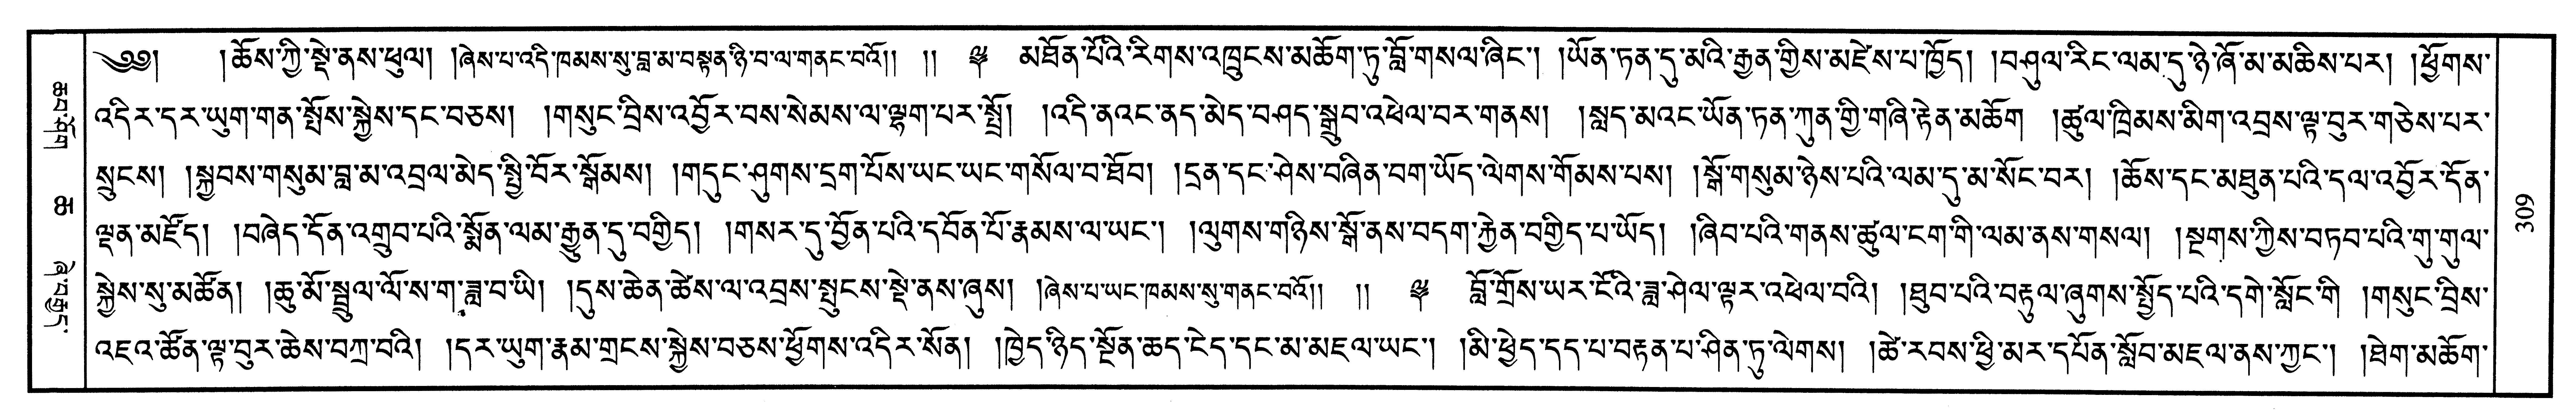༄༅། །ཆོས་ཀྱི་སྡེ་ནས་ཕུལ། །ཞེས་པ་འདི་ཁམས་སུ་བླ་མ་བསྟན་ཉི་བ་ལ་གནང་བའོ།། །། ༈ མཐོན་པོའི་རིགས་འཁྲུངས་མཆོག་ཏུ་བློ་གསལ་ཞིང་། །ཡོན་ཏན་དུ་མའི་རྒྱན་གྱིས་མཛེས་པ་ཁྱོད། །བཤུལ་རིང་ལམ་དུ་ཉེ་ཞོ་མ་མཆིས་པར། །ཕྱོགས་
འདིར་དར་ཡུག་གན་སྤོས་སྐྱེས་དང་བཅས། །གསུང་བྲིས་འབྱོར་བས་སེམས་ལ་ལྷག་པར་སྤྲོ། །འདི་ནའང་ནད་མེད་བཤད་སྒྲུབ་འཕེལ་བར་གནས། །སླད་མའང་ཡོན་ཏན་ཀུན་གྱི་གཞི་རྟེན་མཆོག །ཚུལ་ཁྲིམས་མིག་འབྲས་ལྟ་བུར་གཅེས་པར་
སྲུང་། །སྐྱབས་གསུམ་བླ་མ་འབྲལ་མེད་སྤྱི་བོར་སྒོམས། །གདུང་ཤུགས་དྲག་པོས་ཡང་ཡང་གསོལ་བ་ཐོབ། །དྲན་དང་ཤེས་བཞིན་བག་ཡོད་ལེགས་གོམས་པས། །སྒོ་གསུམ་ཉེས་པའི་ལམ་དུ་མ་སོང་བར། །ཆོས་དང་མཐུན་པའི་དལ་འབྱོར་དོན་
ལྡན་མཛོད། །བཞེད་དོན་འགྲུབ་པའི་སྨོན་ལམ་རྒྱུན་དུ་བགྱིད། །གསར་དུ་བྱོན་པའི་དབོན་པོ་རྣམས་ལ་ཡང་། །ལུགས་གཉིས་སྒོ་ནས་བདག་རྐྱེན་བགྱིད་པ་ཡོད། །ཞིབ་པའི་གནས་ཚུལ་ངག་གི་ལམ་ནས་གསལ། །སྔགས་ཀྱིས་བཏབ་པའི་གུ་གུལ་
སྐྱེས་སུ་མཚོན། །ཆུ་མོ་སྦྲུལ་ལོ་ས་ག་ཟླ་བ་ཡི། །དུས་ཆེན་ཚེས་ལ་འབྲས་སྤུངས་སྡེ་ནས་ཞུས། །ཞེས་པ་ཡང་ཁམས་སུ་གནང་བའོ།། །། ༈ བློ་གྲོས་ཡར་ངོའི་ཟླ་ཤེལ་ལྟར་འཕེལ་བའི། །ཐུབ་པའི་བརྟུལ་ཞུགས་སྤྱོད་པའི་དགེ་སློང་གི །གསུང་བྲིས་
འཇའ་ཚོན་ལྟ་བུར་ཆེས་བཀྲ་བའི། །དར་ཡུག་རྣམ་གྲངས་སྐྱེས་བཅས་ཕྱོགས་འདིར་སོན། །ཁྱེད་ཉིད་སྔོན་ཆད་ངེད་དང་མ་མཇལ་ཡང་། །མི་ཕྱེད་དད་པ་བརྟན་པ་ཤིན་ཏུ་ལེགས། །ཚེ་རབས་ཕྱི་མར་དཔོན་སློབ་མཇལ་ནས་ཀྱང་། །ཐེག་མཆོག་